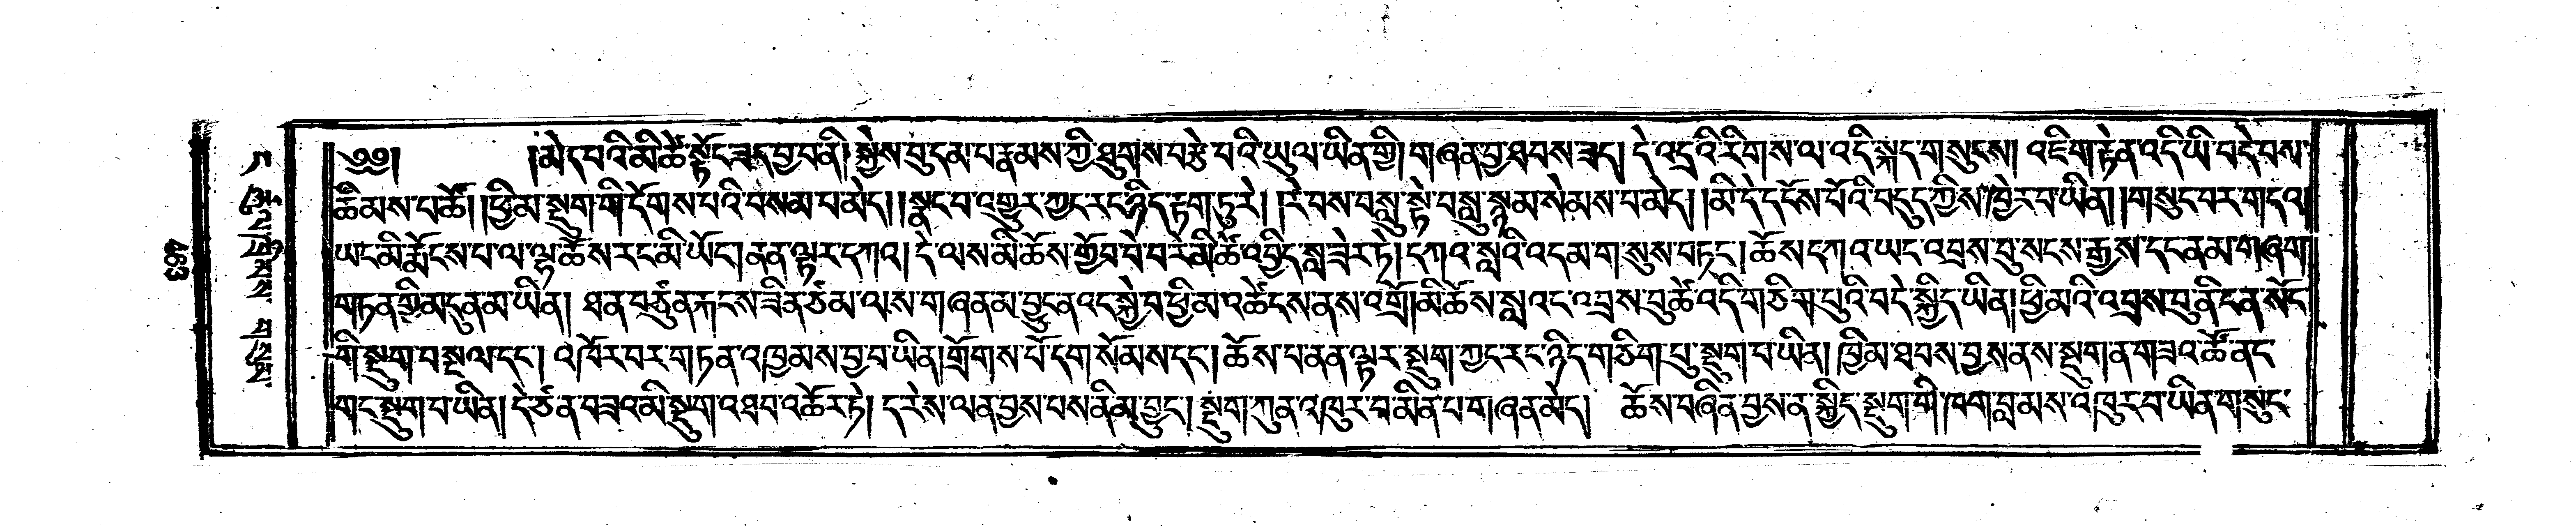༄༅། །མེད་པའི་མི་ཚེ་སྟོང་ཟད་བྱ་བ་ནི། སྐྱེས་བུ་དམ་པ་རྣམས་ཀྱི་ཐུགས་བརྩེ་བའི་ཡུལ་ཡིན་གྱི། གཞན་བྱ་ཐབས་ཟད། དེ་འདྲའི་རིགས་ལ་འདི་སྐད་གསུངས། འཇིག་རྟེན་འདི་ཡི་བདེ་བས་
ཚིམས་པ་ཚོ། །ཕྱི་མ་སྡུག་གི་དོགས་པའི་བསམ་པ་མེད། །སྣང་བ་འགྱུར་ཀྱང་རང་ཉིད་རྟག་ཏུ་རེ། །རེ་བས་བསླུ་སྟེ་བསླུ་སྙམ་སེམས་པ་མེད། །མི་དེ་དངོས་པོའི་བདུད་ཀྱིས་ཁྱེར་བ་ཡིན། །གསུང་བར་གདའ།
ཡང་མི་རྨོངས་པ་ལ་ལྷ་ཆོས་རང་མི་ཡོང་། ནན་ལྟར་དཀའ། དེ་ལས་མི་ཆོས་གྱོབ་བེ་བ་རེ་མི་ཚེ་འབྱིད་སླ་ཟེར་ཏེ། དཀའ་སླའི་འདམ་ག་སུས་བཏང་། ཆོས་དཀའ་ཡང་འབྲས་བུ་སངས་རྒྱས་དང་ནམ་གཞག་
གཏན་གྱི་མདུན་མ་ཡིན། ཐ་ན་བཙུན་རྐངས་ཟིན་ཙམ་ལས་གཞན་མ་བྱུང་ནའང་སྐྱེ་བ་ཕྱི་མ་འཚེངས་ནས་འགྲོ། མི་ཆོས་སླའང་འབྲས་བུ་ཚེ་འདི་གཅིག་པུའི་བདེ་སྐྱིད་ཡིན། །ཕྱི་མའི་འབྲས་བུ་ནི་ངན་སོང་
གི་སྡུག་བསྔལ་དང་། འཁོར་བར་གཏན་འཁྱམས་བྱ་བ་ཡིན། གྲོགས་པོ་དག་སོམས་དང་། ཆོས་པ་ནན་ལྟར་སྡུག་ཀྱང་རང་ཉིད་གཅིག་པུ་སྡུག་པ་ཡིན། ཁྱིམ་ཐབས་བྱས་ནས་གཟའ་ཚོ་ནང་
གང་སྡུག་པ་ཡིན། དེ་ཙ་ན་བཟའ་མི་སྡུག་འཐབ་འཆོར་ཏེ། ད་རེས་ལན་བྱས་པས་ནི་མ་བྱུང་། སྡུག་ཀུན་འཁུར་བ་མིན་པ་གཞན་མེད། ཆོས་བཞིན་བྱས་ན་སྐྱིད་སྡུག་གི་ཁག་བླ་མས་འཁུར་བ་ཡིན་གསུང་